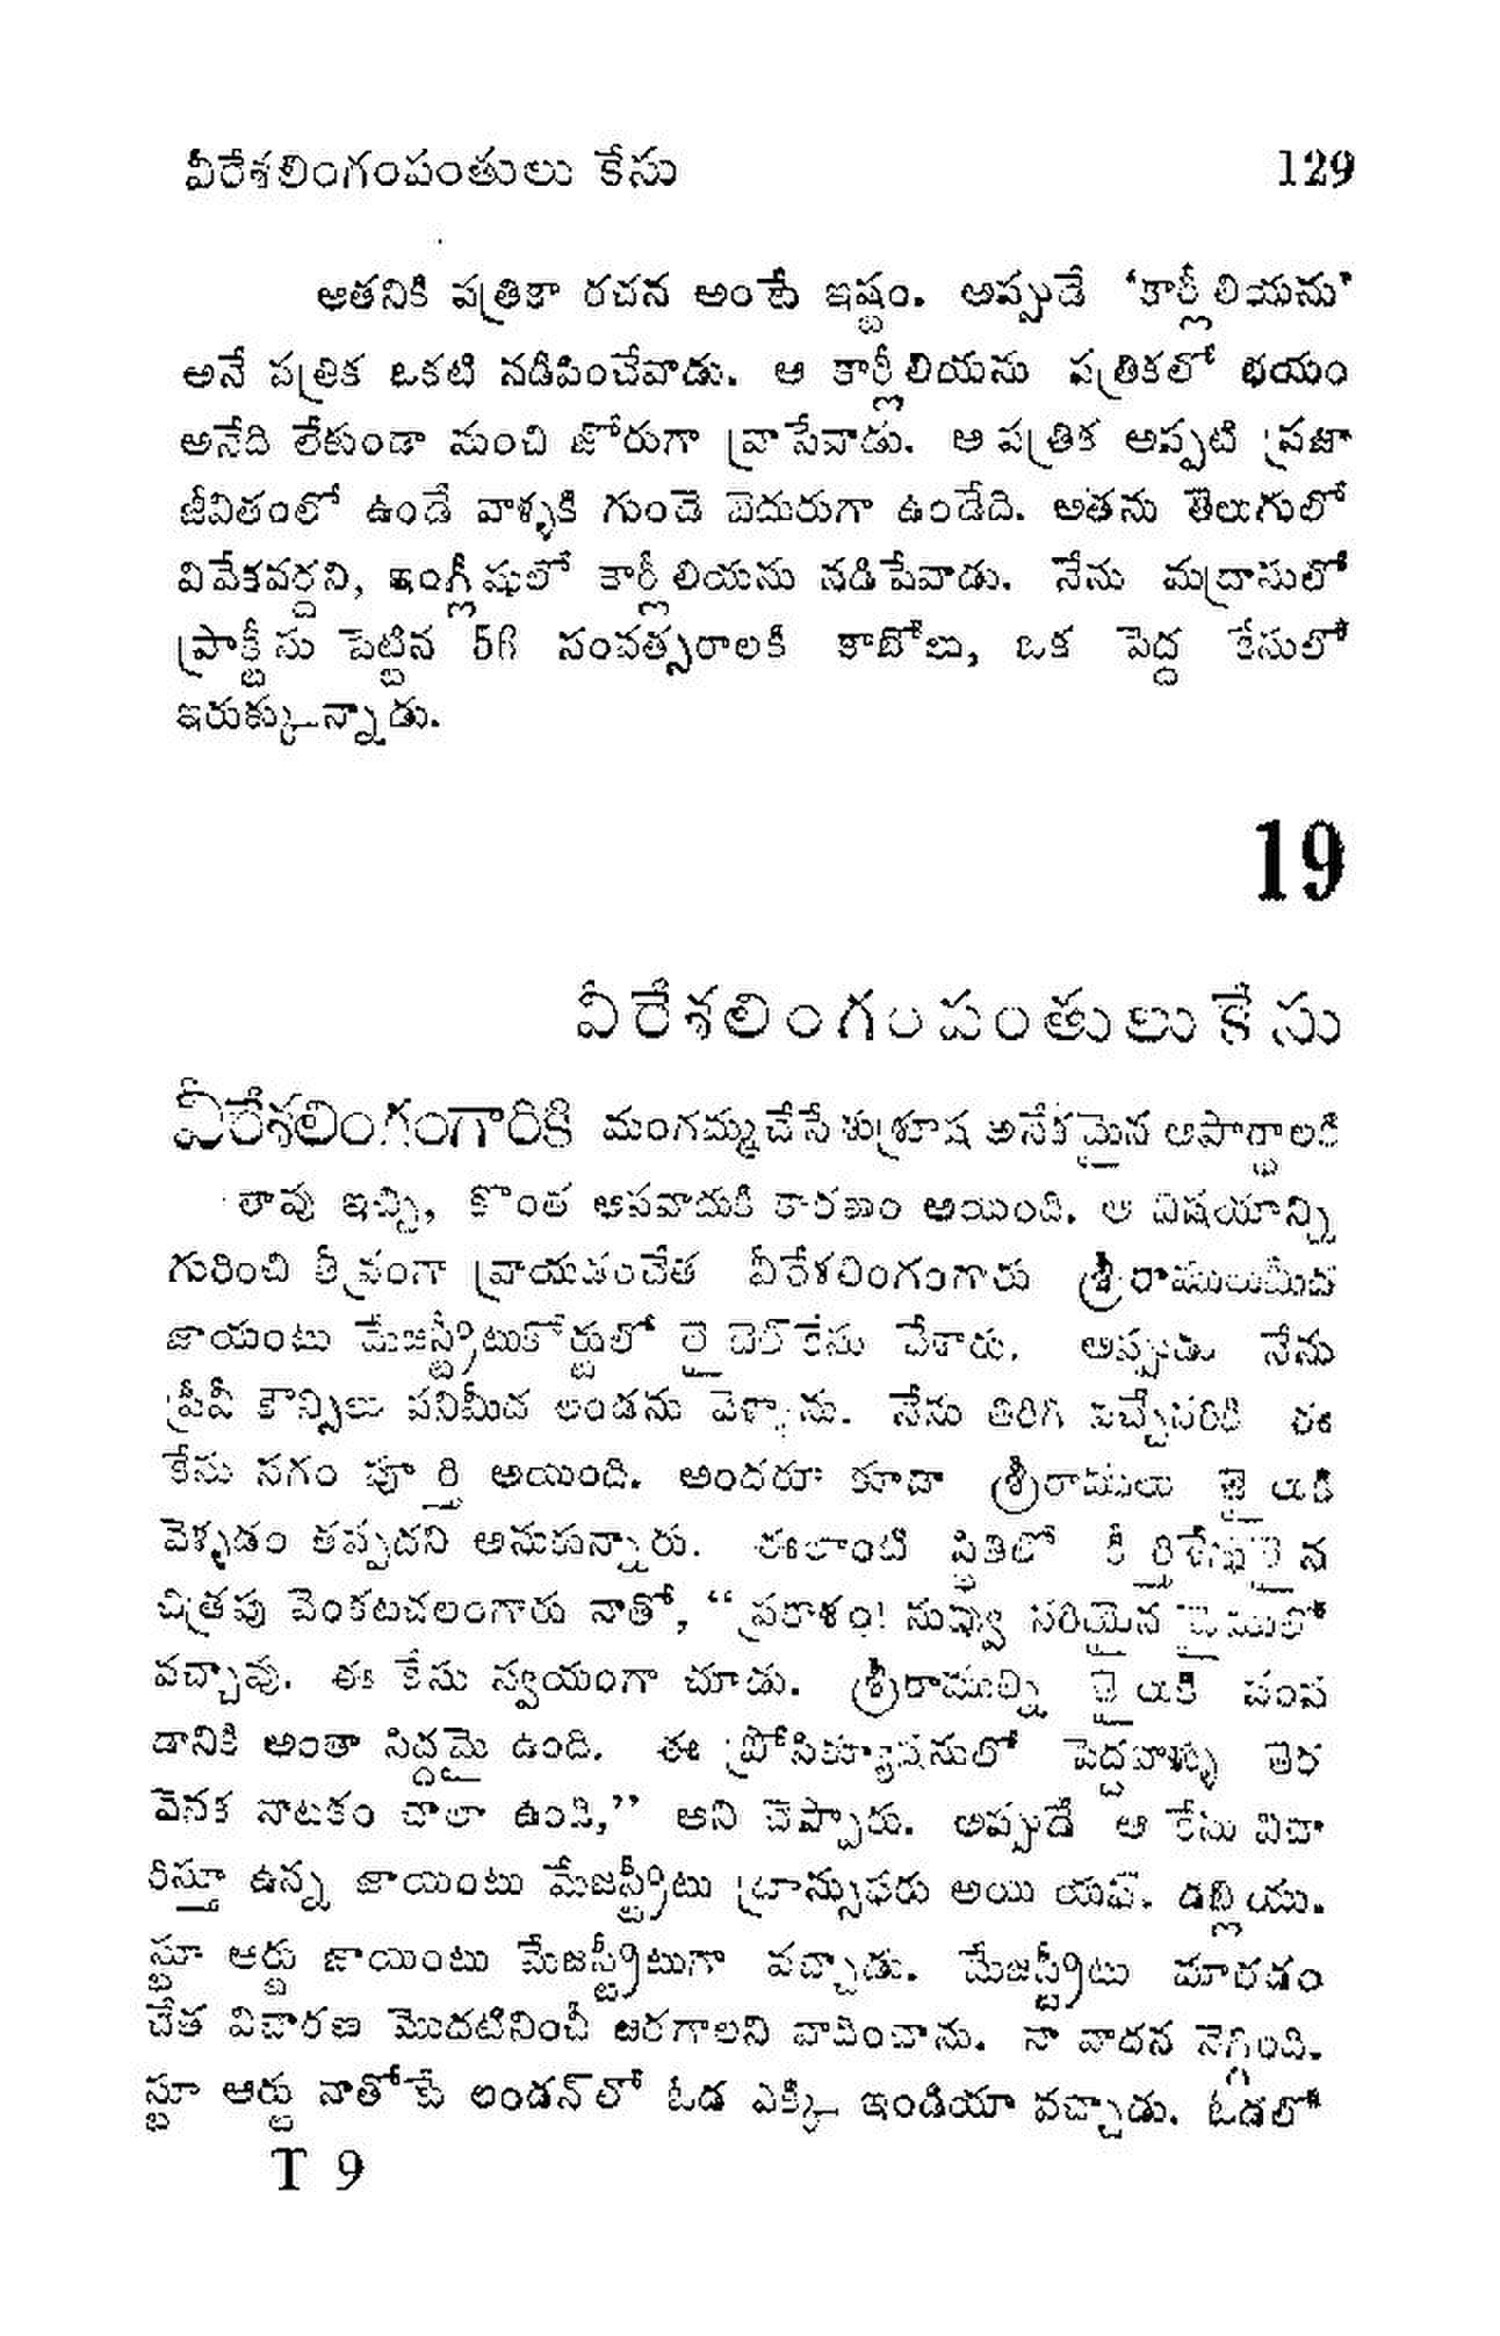అతనికి పత్రికా రచన అంటే ఇష్టం. అప్పుడే 'కార్లీ లియను' అనే పత్రిక ఒకటి నడిపించేవాడు. ఆ కార్లీలియను పత్రికలో భయం అనేది లేకుండా మంచి జోరుగా వ్రాసేవాడు. ఆ పత్రిక అప్పటి ప్రజా జీవితంలో ఉండే వాళ్ళకి గుండె బెదురుగా ఉండేది. అతను తెలుగులో వివేకవర్దని, ఇంగ్లీషులో కార్లీ లియను నడిపేవాడు. నేను మద్రాసులో ప్రాక్టీసు పెట్టిన 5, 6 సంవత్సరాలకి కాబోలు, ఒక పెద్ద కేసులో ఇరుక్కున్నాడు.

వీరేశలింగంగారికి మంగమ్మచేసే శుశ్రూష అనేకమైన అపార్థాలకి తావు ఇచ్చి, కొంత అపవాదుకి కారణం అయింది. ఆ విషయాన్ని గురించి తీవ్రంగా వ్రాయడంచేత వీరేశలింగంగారు శ్రీరాములుమీద జాయంటు మేజస్ట్రీటుకోర్టులో లైబెల్‌కేసు వేశారు. అప్పుడు నేను ప్రీవీ కౌన్సిలు పనిమీద లండను వెళ్ళాను. నేను తిరిగి వచ్చేసరికి ఈ కేసు సగం పూర్తి అయింది. అందరూ కూడా శ్రీరాములు జైలుకి వెళ్ళడం తప్పదని అనుకున్నారు. ఈలాంటి స్థితిలో కీర్తిశేషులైన చిత్రపు వెంకటాచలంగారు నాతో, "ప్రకాశం! నువ్వు సరియైన టైములో వచ్చావు. ఈ కేసు స్వయంగా చూడు. శ్రీరాముల్ని జైలుకి పంపడానికి అంతా సిద్దమై ఉంది. ఈ ప్రోసిక్యూషనులో పెద్దవాళ్ళు తెరవెనక నాటకం చాలా ఉంది," అని చెప్పారు. అప్పుడే ఆ కేసు విచారిస్తూ ఉన్న జాయింటు మేజస్ట్రీటు ట్రాన్సుఫరు అయి యఫ్. డబ్లియు. స్టూ అర్టు జాయింటు మేజస్ట్రీటుగా వచ్చాడు. మేజస్ట్రీటు మారడంచేత విచారణ మొదటినించీ జరగాలని వాదించాను. నా వాదన నెగ్గింది. స్టూ అర్టు నాతోటే లండన్‌లో ఓడ ఎక్కి ఇండియా వచ్చాడు. ఓడలో